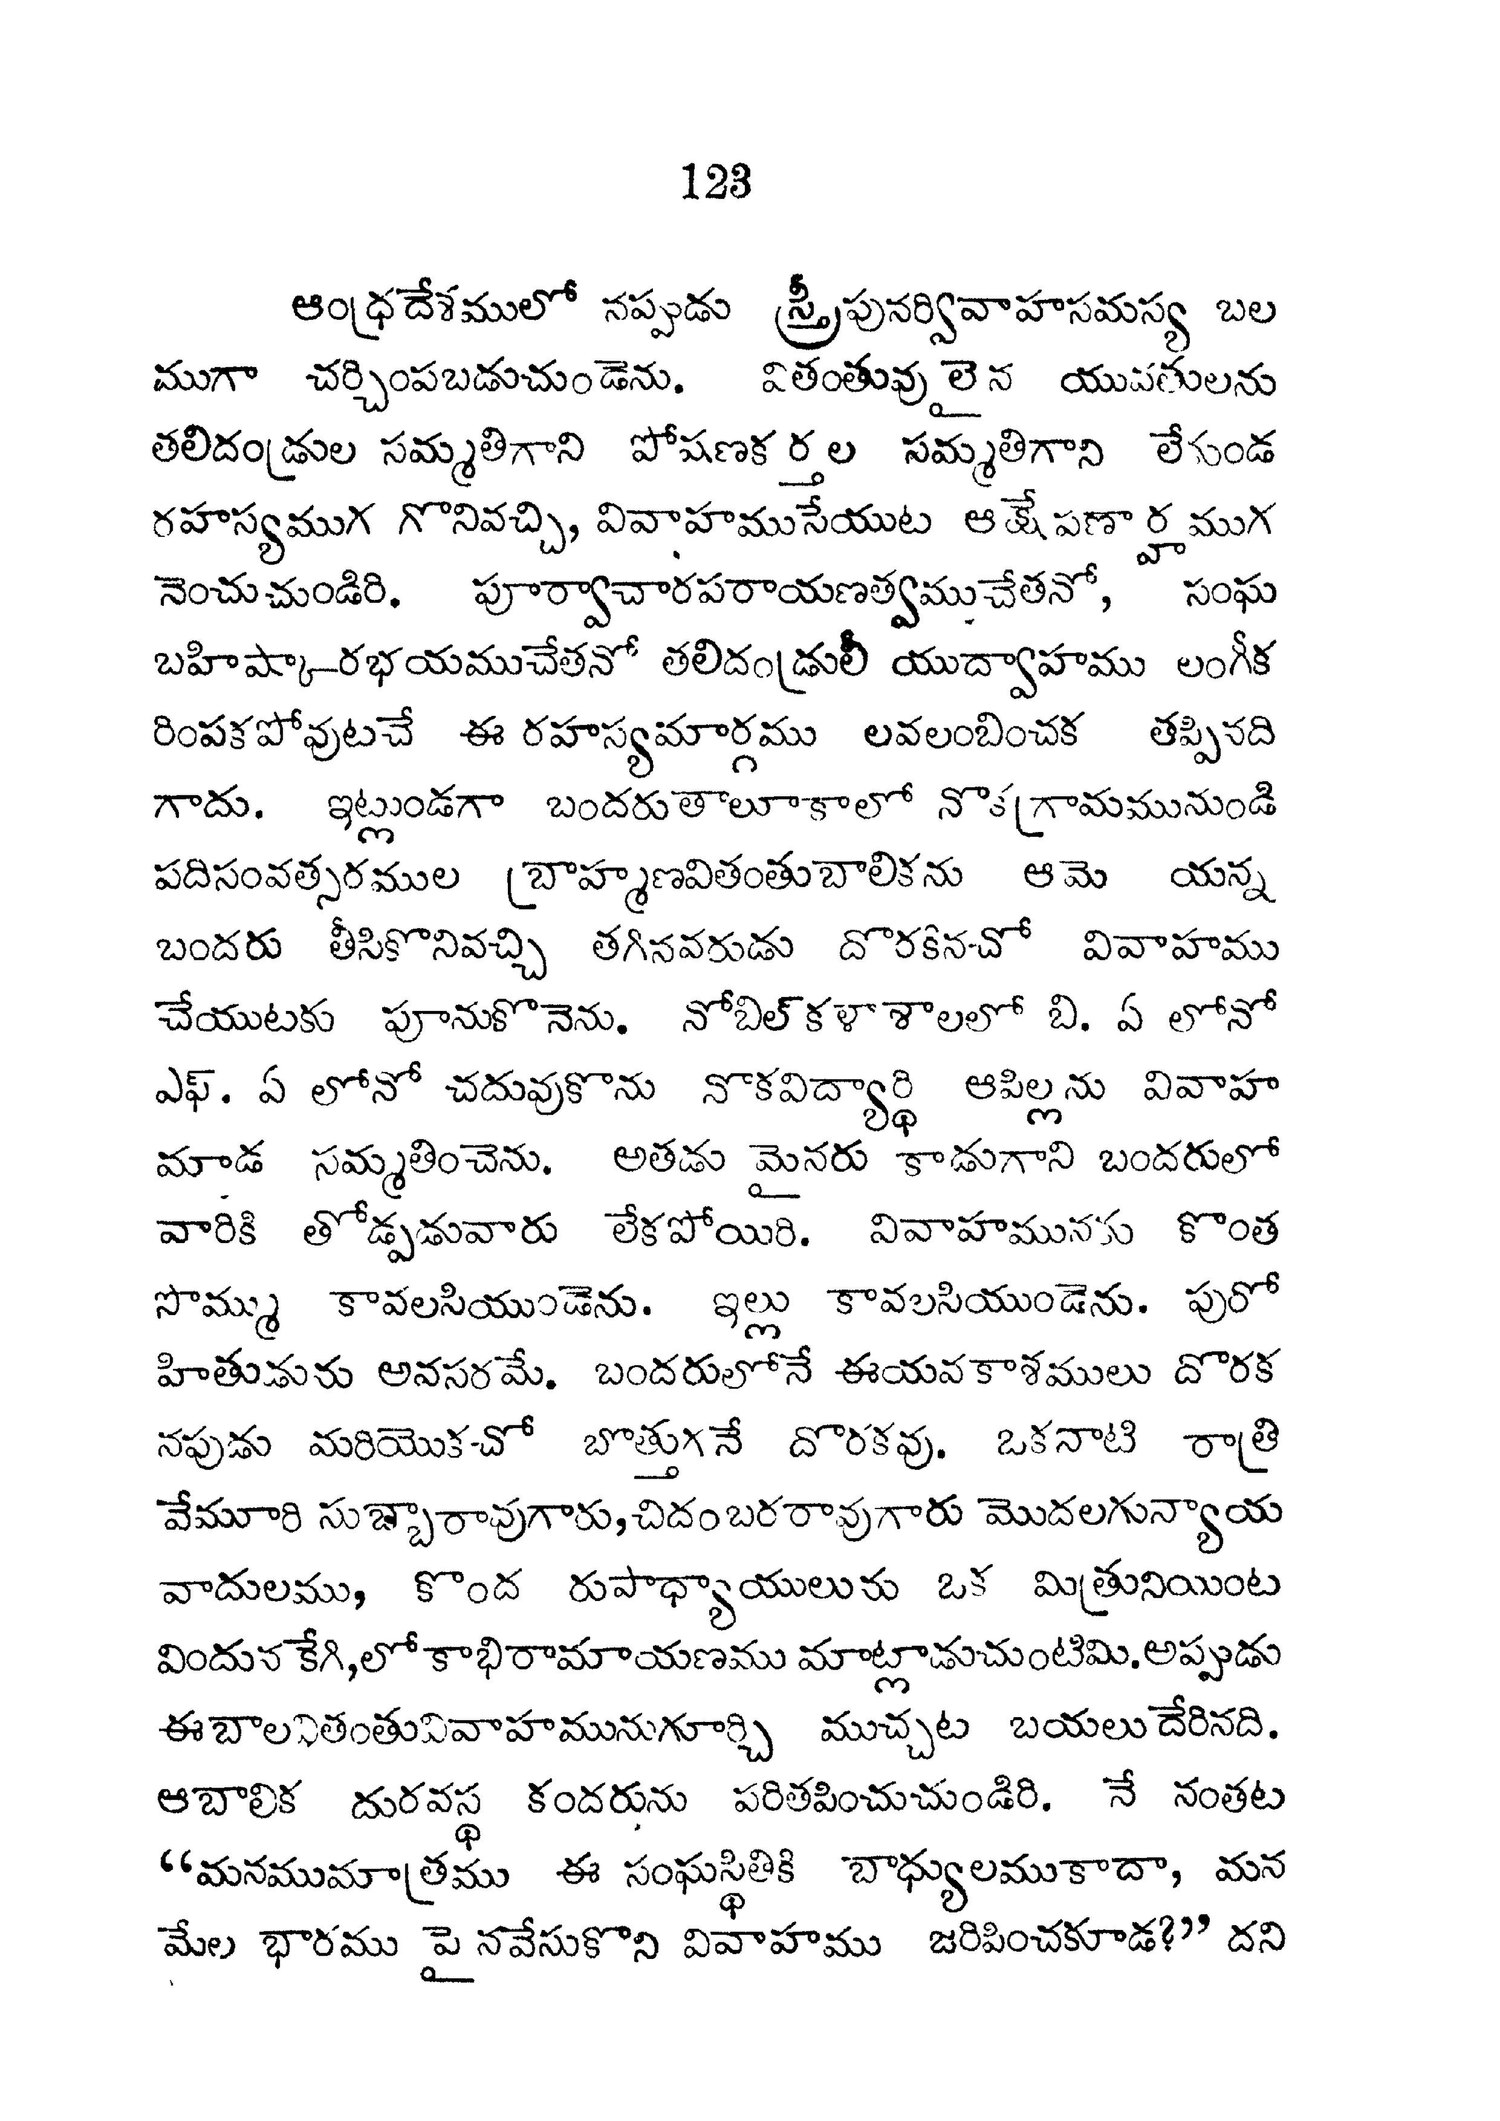ఆంధ్రదేశములో నప్పుడు స్త్రీపునర్వివాహసమస్య బలముగా చర్చింపబడుచుండెను. వితంతువులైన యువతులను తలిదండ్రుల సమ్మతిగాని పోషణకర్తల సమ్మతిగాని లేకుండ రహస్యముగ గొనివచ్చి, వివాహముసేయుట ఆక్షేపణార్హముగ నెంచుచుండిరి. పూర్వాచారాపరాయణత్వముచేతనో, సంఘ బహిస్కారభయముచేతనో తలిదండ్రులీ యుద్వాహము లంగీకరింపకపోవుటచే ఈ రహస్యమార్గము లవలంబించక తప్పినది దాదు. ఇట్లుండగా బందరుతాలూకాలో నొకగ్రామమునుండి పదిసంవత్సరముల బ్రాహ్మణవితంతుబాలికను ఆమె యన్న బందరు తీసికొనివచ్చి తగినవరుడు దొరకినచో వివాహము చేయుటకు పూనుకొనెను. నోబిల్‌కళాశాలలో బి. ఏ. లోనో ఎఫ్. ఏ లోనో చదువుకొను నొకవిద్యార్థి ఆపిల్లను వివాహమాడ సమ్మతించెను. అతడు మైనరు కాడుకాని బందరులో వారికి తోడ్పడువారు లేకపోయిరి. వివాహమునకు కొంత సొమ్ము కావలసియుండెను. ఇల్లు కావలసియుండెను. పురోహితుడును అవసరమే. బందరులోనే ఈయవకాశములు దొరకనపుడు మరియొకచో బొత్తుగనే దొరకవు. ఒకనాటి రాత్రి వేమూరి సుబ్బారావుగారు, చిదంబరరావుగారు మొదలగున్యాయవాదులము, కొంద రుపాధ్యాయులును ఒక మిత్రునియింట విందునకేగి, లోకాభిరామాయణము మాట్లాడుచుంటిమి. అప్పుడు ఈబాలవితంతువివాహమునుగూర్చి ముచ్చట బయలుదేరినది. ఆబాలిక దురవస్థ కందరును పరితపించుచుండిరి. నే నంతట "మనుమాత్రము ఈ సంఘస్థితికి బాధ్యులముకాదా, మనమేల భారము పైనవేసుకొని వివాహము జరిపించకూడ?" దని